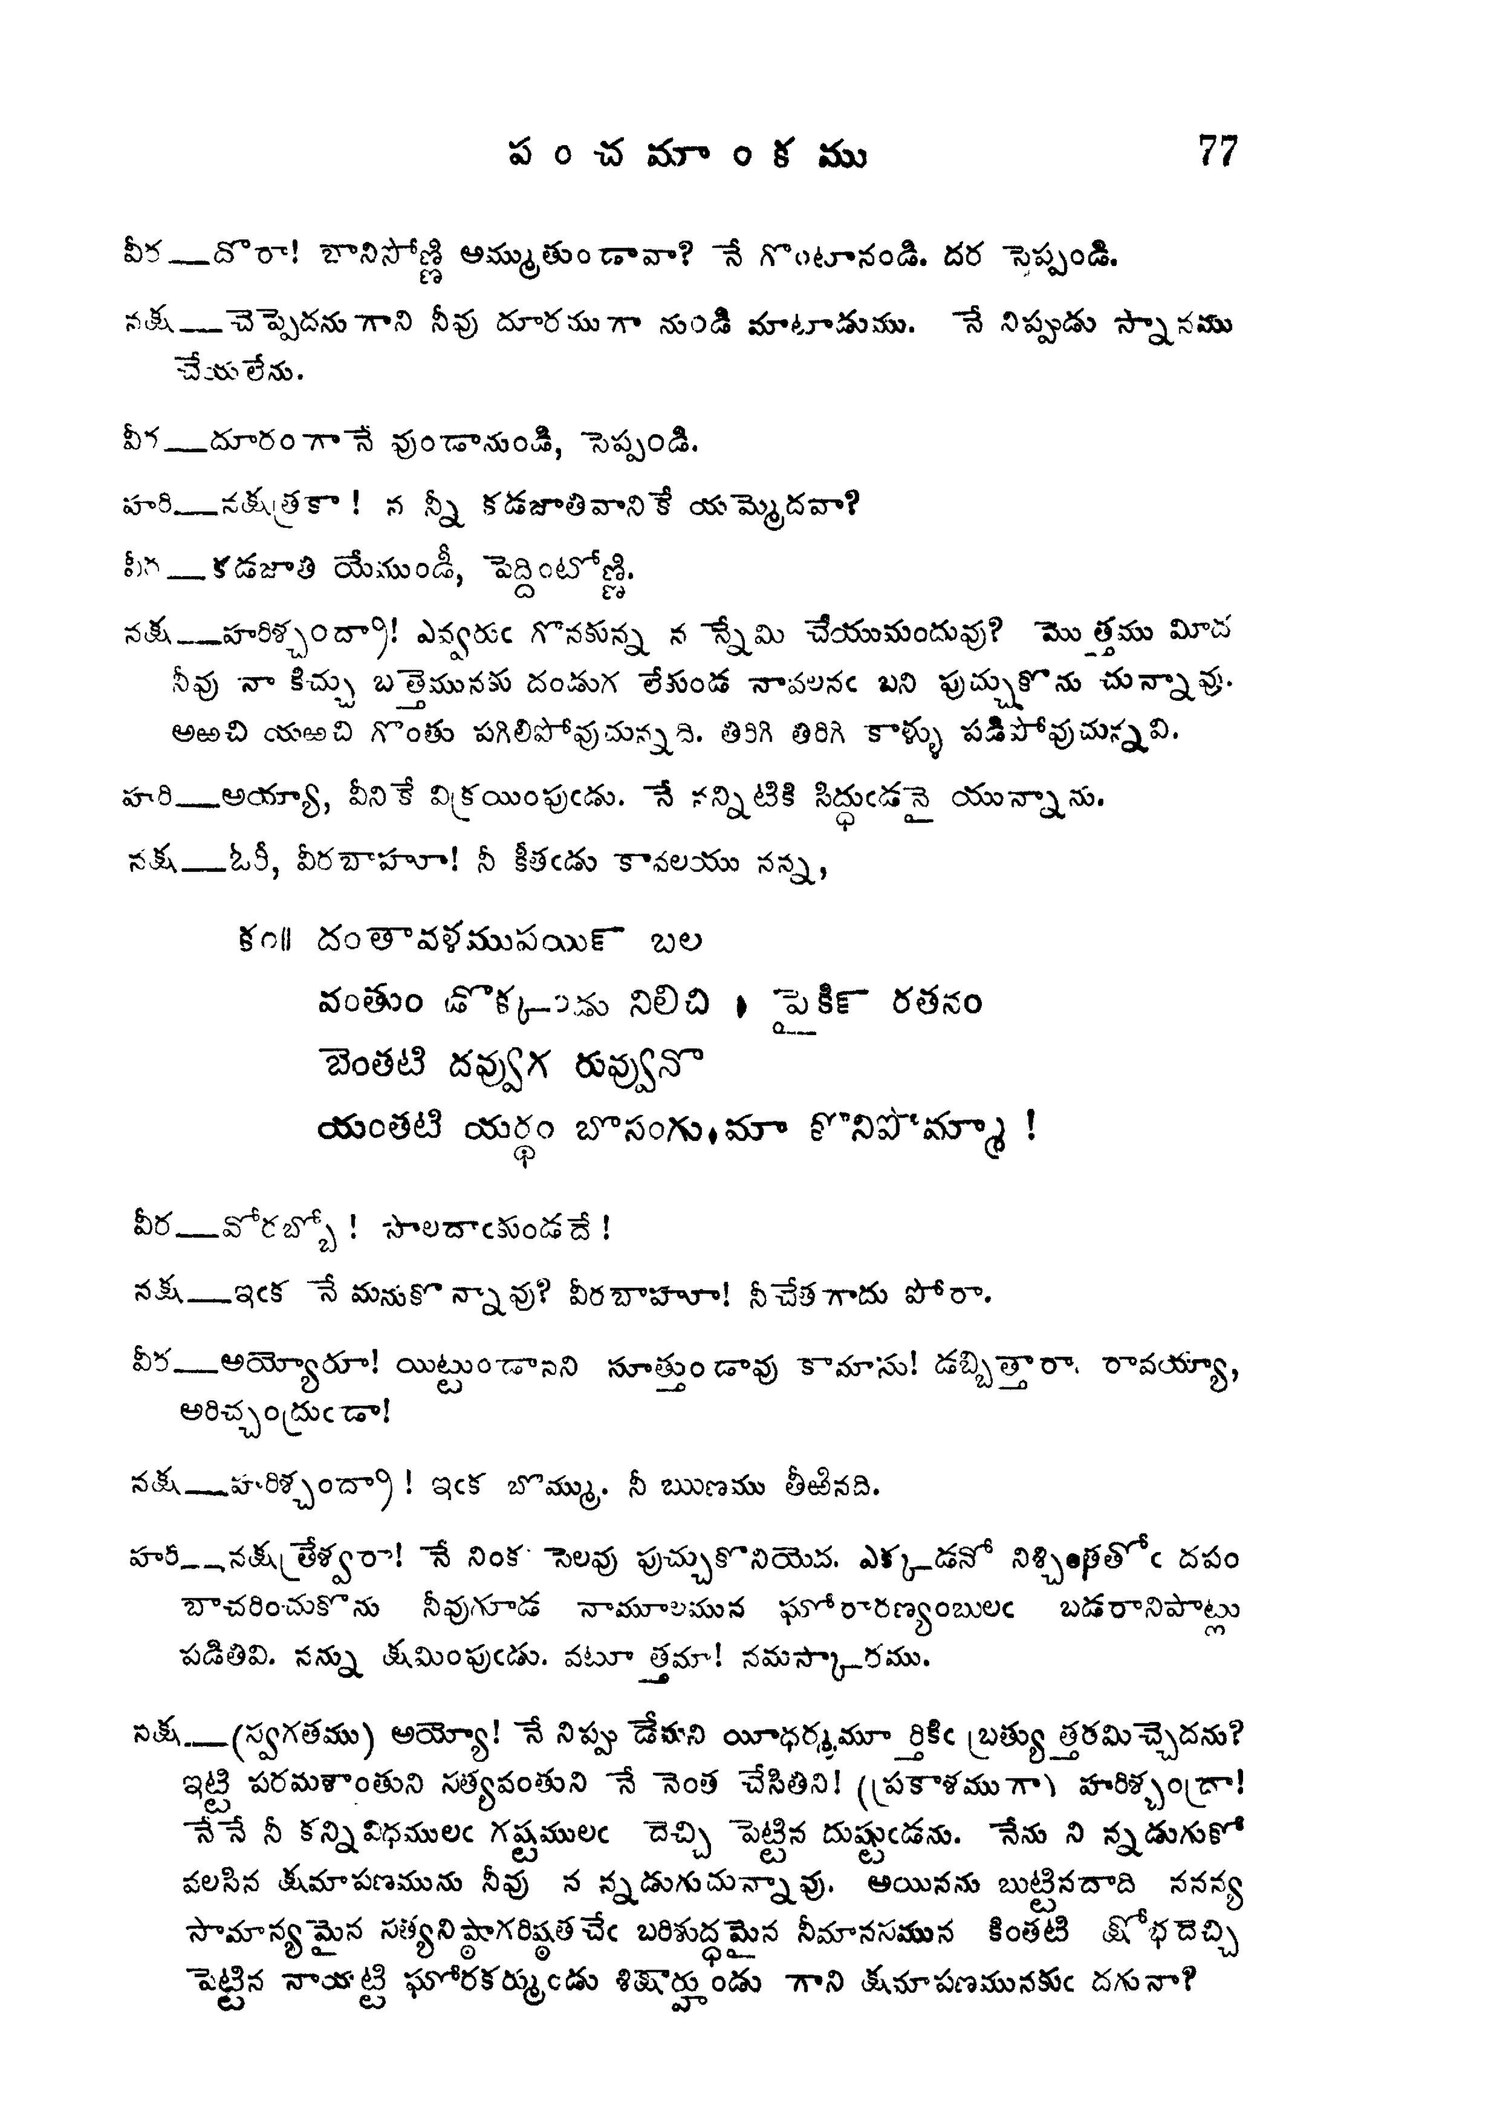వీర: 	దొరా! బానిసోణ్ణి అమ్ముతుండవా? నే గొంటానండీ, ధర చెప్పండి.
నక్ష: 	చెప్పెదను గాని నీవు దూరముగా నుండి మాట్లాడుము. నే నిప్పుడు స్నానము చేయలేను.
వీర: 	దూరంగానే వుండానుండి, చెప్పండి.
హరి: 	నక్షత్రకా! నన్నీ కడజాతి వానికే యమ్మెదవా?
వీర: 	కడజాతియేముంది, పెద్దింటోణ్ణి.
నక్ష: 	హరిశ్చంద్రా! ఎవ్వరు గొనంకున్న నన్నేమి చేయమందువు? మొత్తము మీఁద
నీవు నా కిచ్చు బత్తెమునకు దండుగ లేకుండ నా వలన బనిపుచ్చుకొనుచున్నావు.
అఱచి యఱచి గొంతు పగిలిపోవుచున్నది. తిరిగి తిరిగి కాళ్ళు పడిపోవుచున్నవి.
హరి: 	అయ్యా! వీనికే విక్రయింపుడు. నే నన్నిటికి సిద్ధుఁడనై యున్నాను.
నక్ష: 	
ఓరీ! వీరబాహూ! నీ కీతఁడు కావలయునన్న
క. 	దంతావళంబు పయి బల
వంతు డొక్కండు నిలిచి పైకిన్‌ రతనం
బెంతటి దవ్వుగ రువ్వునో
యంతటి యర్థం బొసంగుమా కొని పొమ్మా!
వీర: 	ఓరబ్బో! సాలదాకుండదే!
నక్ష: 	ఇఁక నేమనుకున్నావు? వీరబాహూ! నీచేతఁ కాదు పోరా.
వీర: 	అయ్యోరూ! యిట్లుండానని సూత్తుండావు కామసు! డబ్బిత్తా రా, రావయ్యా అరిశ్చంద్రుడా.
నక్ష: 	హరిశ్చంద్రా! ఇఁకబొమ్ము. నీఋణము తీఱినది.
హరి: 	నక్షత్రేశ్వరా! నేఁనిక సెలవు పుచ్చుకొనియెద. ఎక్కడనో నిశ్చింతతోఁ దపం బాచరించుకొను నీవు గూడ నా మూలమున ఘోరారణ్యములఁ బడరాని పాట్లు పడితివి. క్షమింపుఁడు. వటూత్తమా! నమస్కారము.
నక్ష: 	(స్వ) అయ్యో! నే నిప్పుడేమని యీ ధర్మమూర్తికిఁ బ్రత్యుత్తర మిచ్చెదను?
ఇట్టి పరమ శాంతుని సత్యవంతుని నేనెంతఁ జేసితిని.
(ప్రకాశముగా) హరిశ్చంద్రా! నేనే నీ కన్ని విధములఁ గష్టములఁ దెచ్చి పెట్టిన
దుష్టుఁడను. నేను నిన్నడుగు కొనవలసిన క్షమాపణములు నీవు నన్నడుగు కొనుచున్నావు.
అయినను బుట్టినదాదిననన్య సామాన్యమైన సత్యనిష్ఠాగరిష్ఠతచేఁ బరిశుద్ధమైన
నీ మానసమున కింతటి క్షోభ దెచ్చి పెట్టిన నాయట్టి ఘోరకర్ముడు శిక్షార్హుండు గాక
క్షమాపణమునకు దగునా?